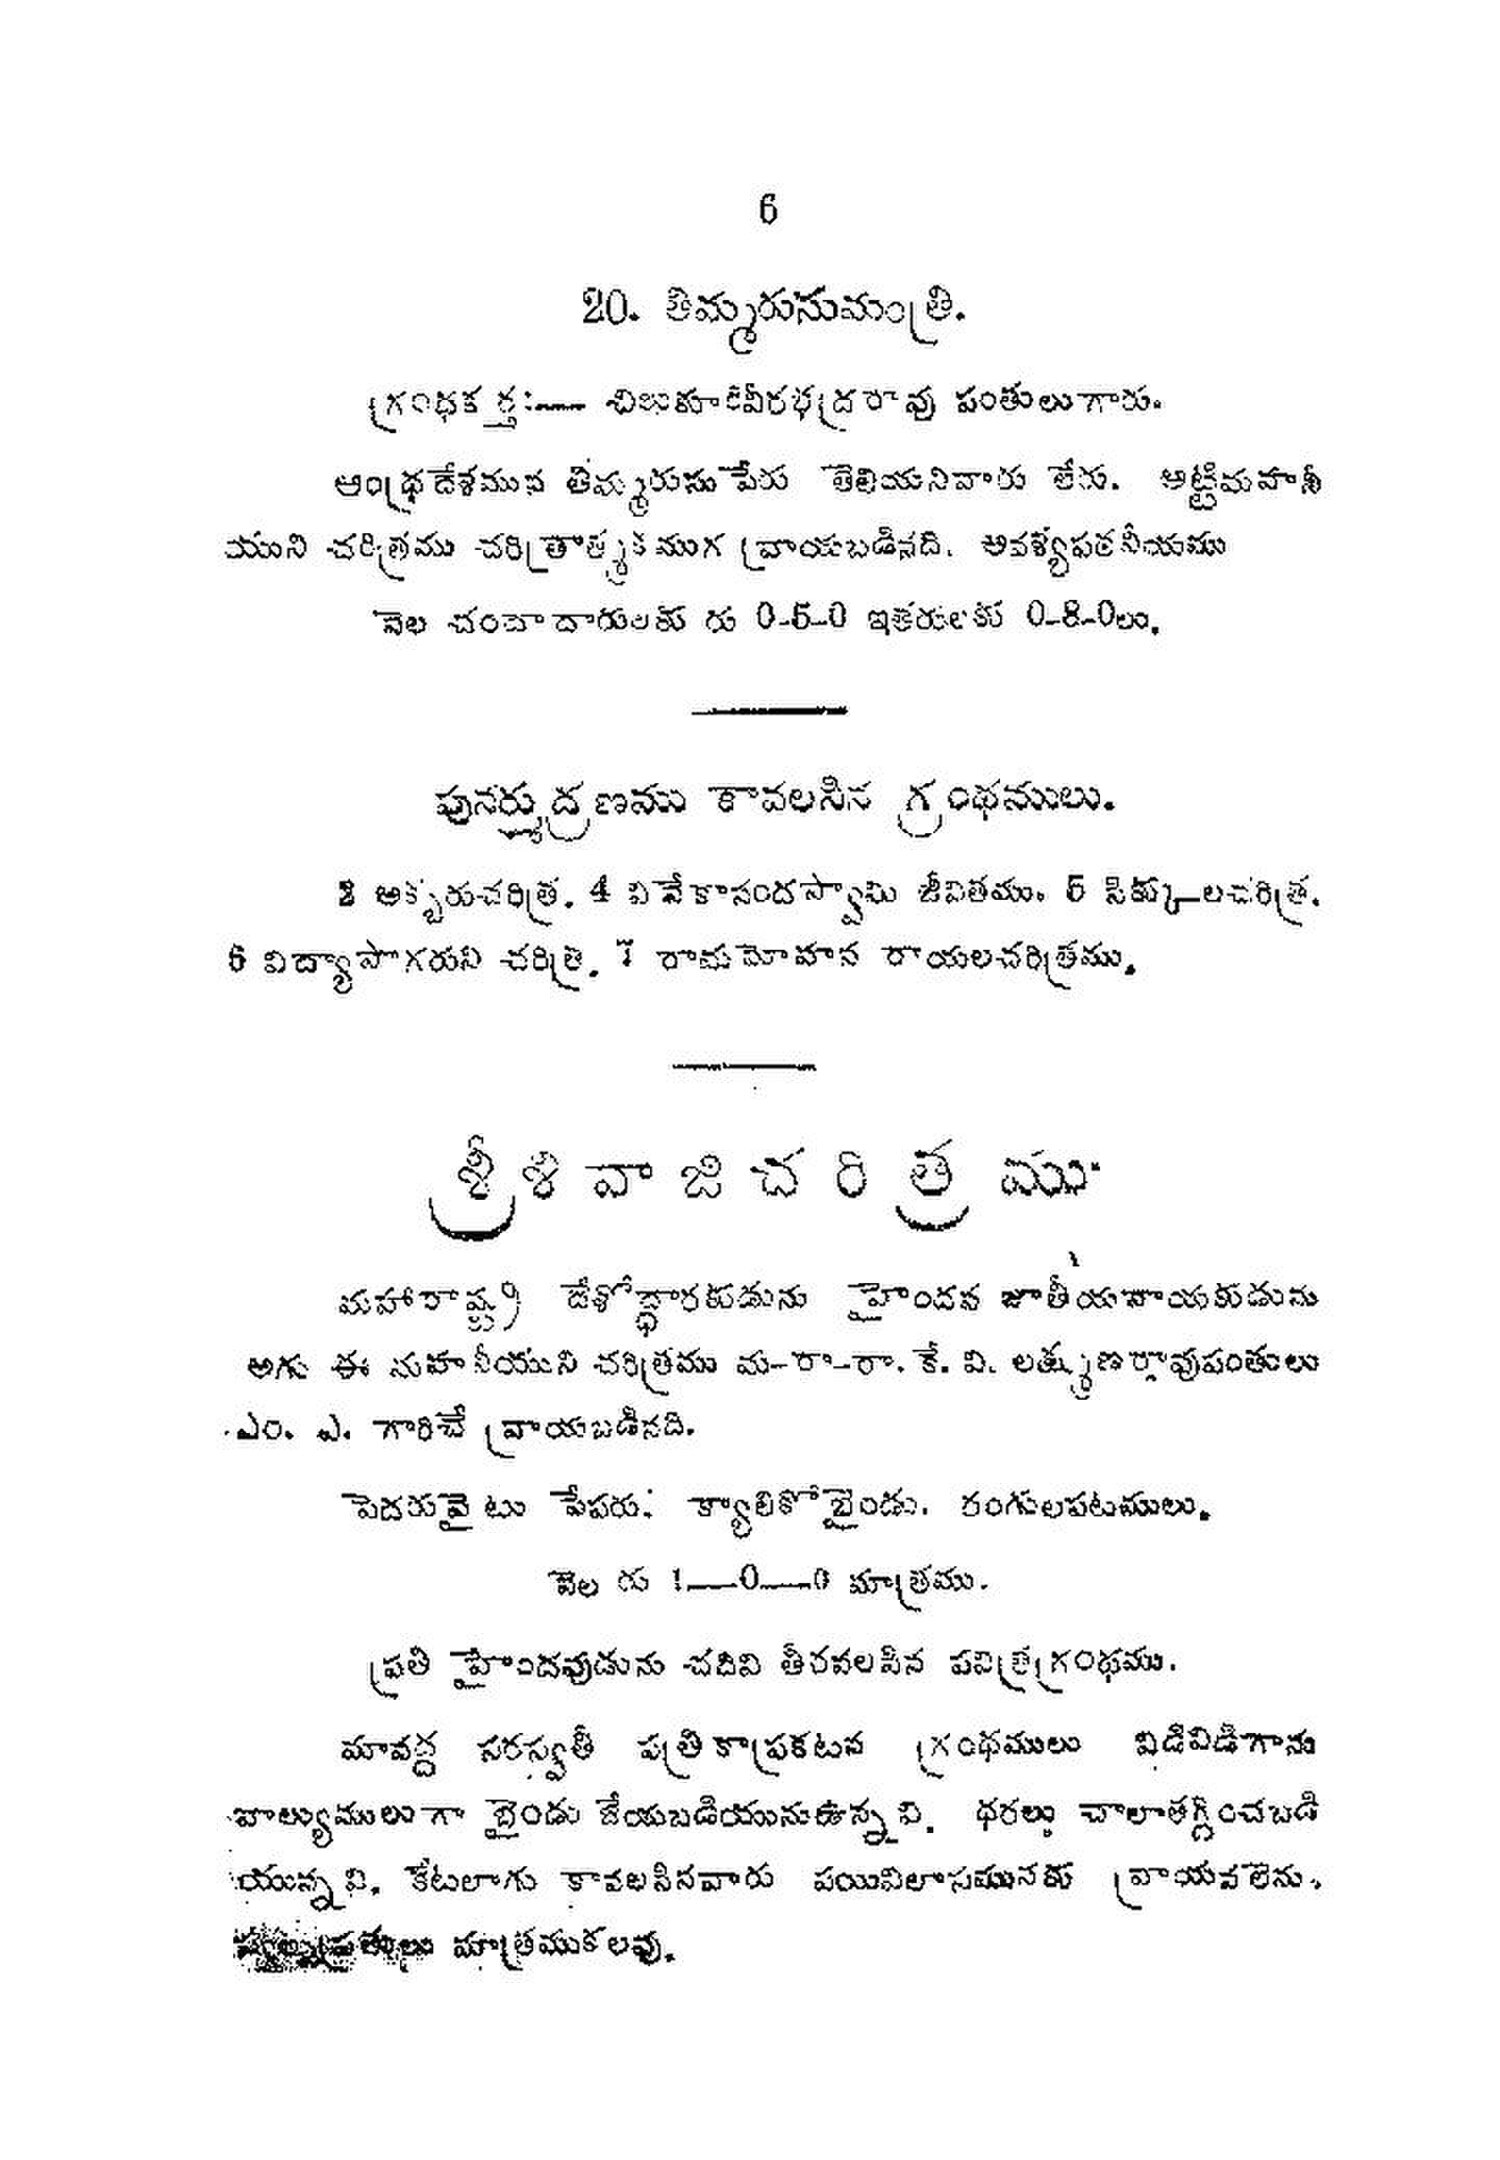గ్రంధకర్త:- చిలుకూరివీరభద్రరావు పంతులుగారు. 

ఆంధ్రదేశమున తిమ్మరుసు పేరు తెలియనివారు లేరు. అట్టిమహనీయుని చరిత్రము చరిత్రాత్మకముగ వ్రాయబడినది. అవశ్యపఠనీయము

వెల చందాదారులకు రు 0-5-0 ఇతరులకు 0-8-0 లు.

 

2 అక్బరుచరిత్ర. 4 వివేకానందస్వామి జీవితము. 5 సిక్కులచరిత్ర. 6 విద్యాసాగరుని చరిత్ర. 7 రామమోహన రాయలచరిత్రము.

మహారాష్ట్ర దేశోద్ధారకుడును హైందవ జాతీయనాయకుడును అగు ఈ మహనీయుని చరిత్రము మ-రా-రా. కే. వి. లక్ష్మణరావు పంతులు .ఎం. ఎ. గారిచే వ్రాయబడినది. 

పెదరువైటు పేపరు. క్యాలికోబైండు. రంగులపటములు.

వెల రు 1-0-0 మాత్రము. 

ప్రతి హైందవుడును చదివి తీరవలసిన పవిత్ర గ్రంథము .

మావద్ద సరస్వతీ పత్రికాప్రకటన గ్రంథములు విడివిడిగాను వాల్యుములు గా బైండు జేయబడియును ఉన్నవి. ధరలు చాలాతగ్గించబడి యున్నవి. కేటలాగు కావలసినవారు పయివిలాసముసకు వ్రాయవలెను. స్వల్పప్రతులు మాత్రముకలవు.